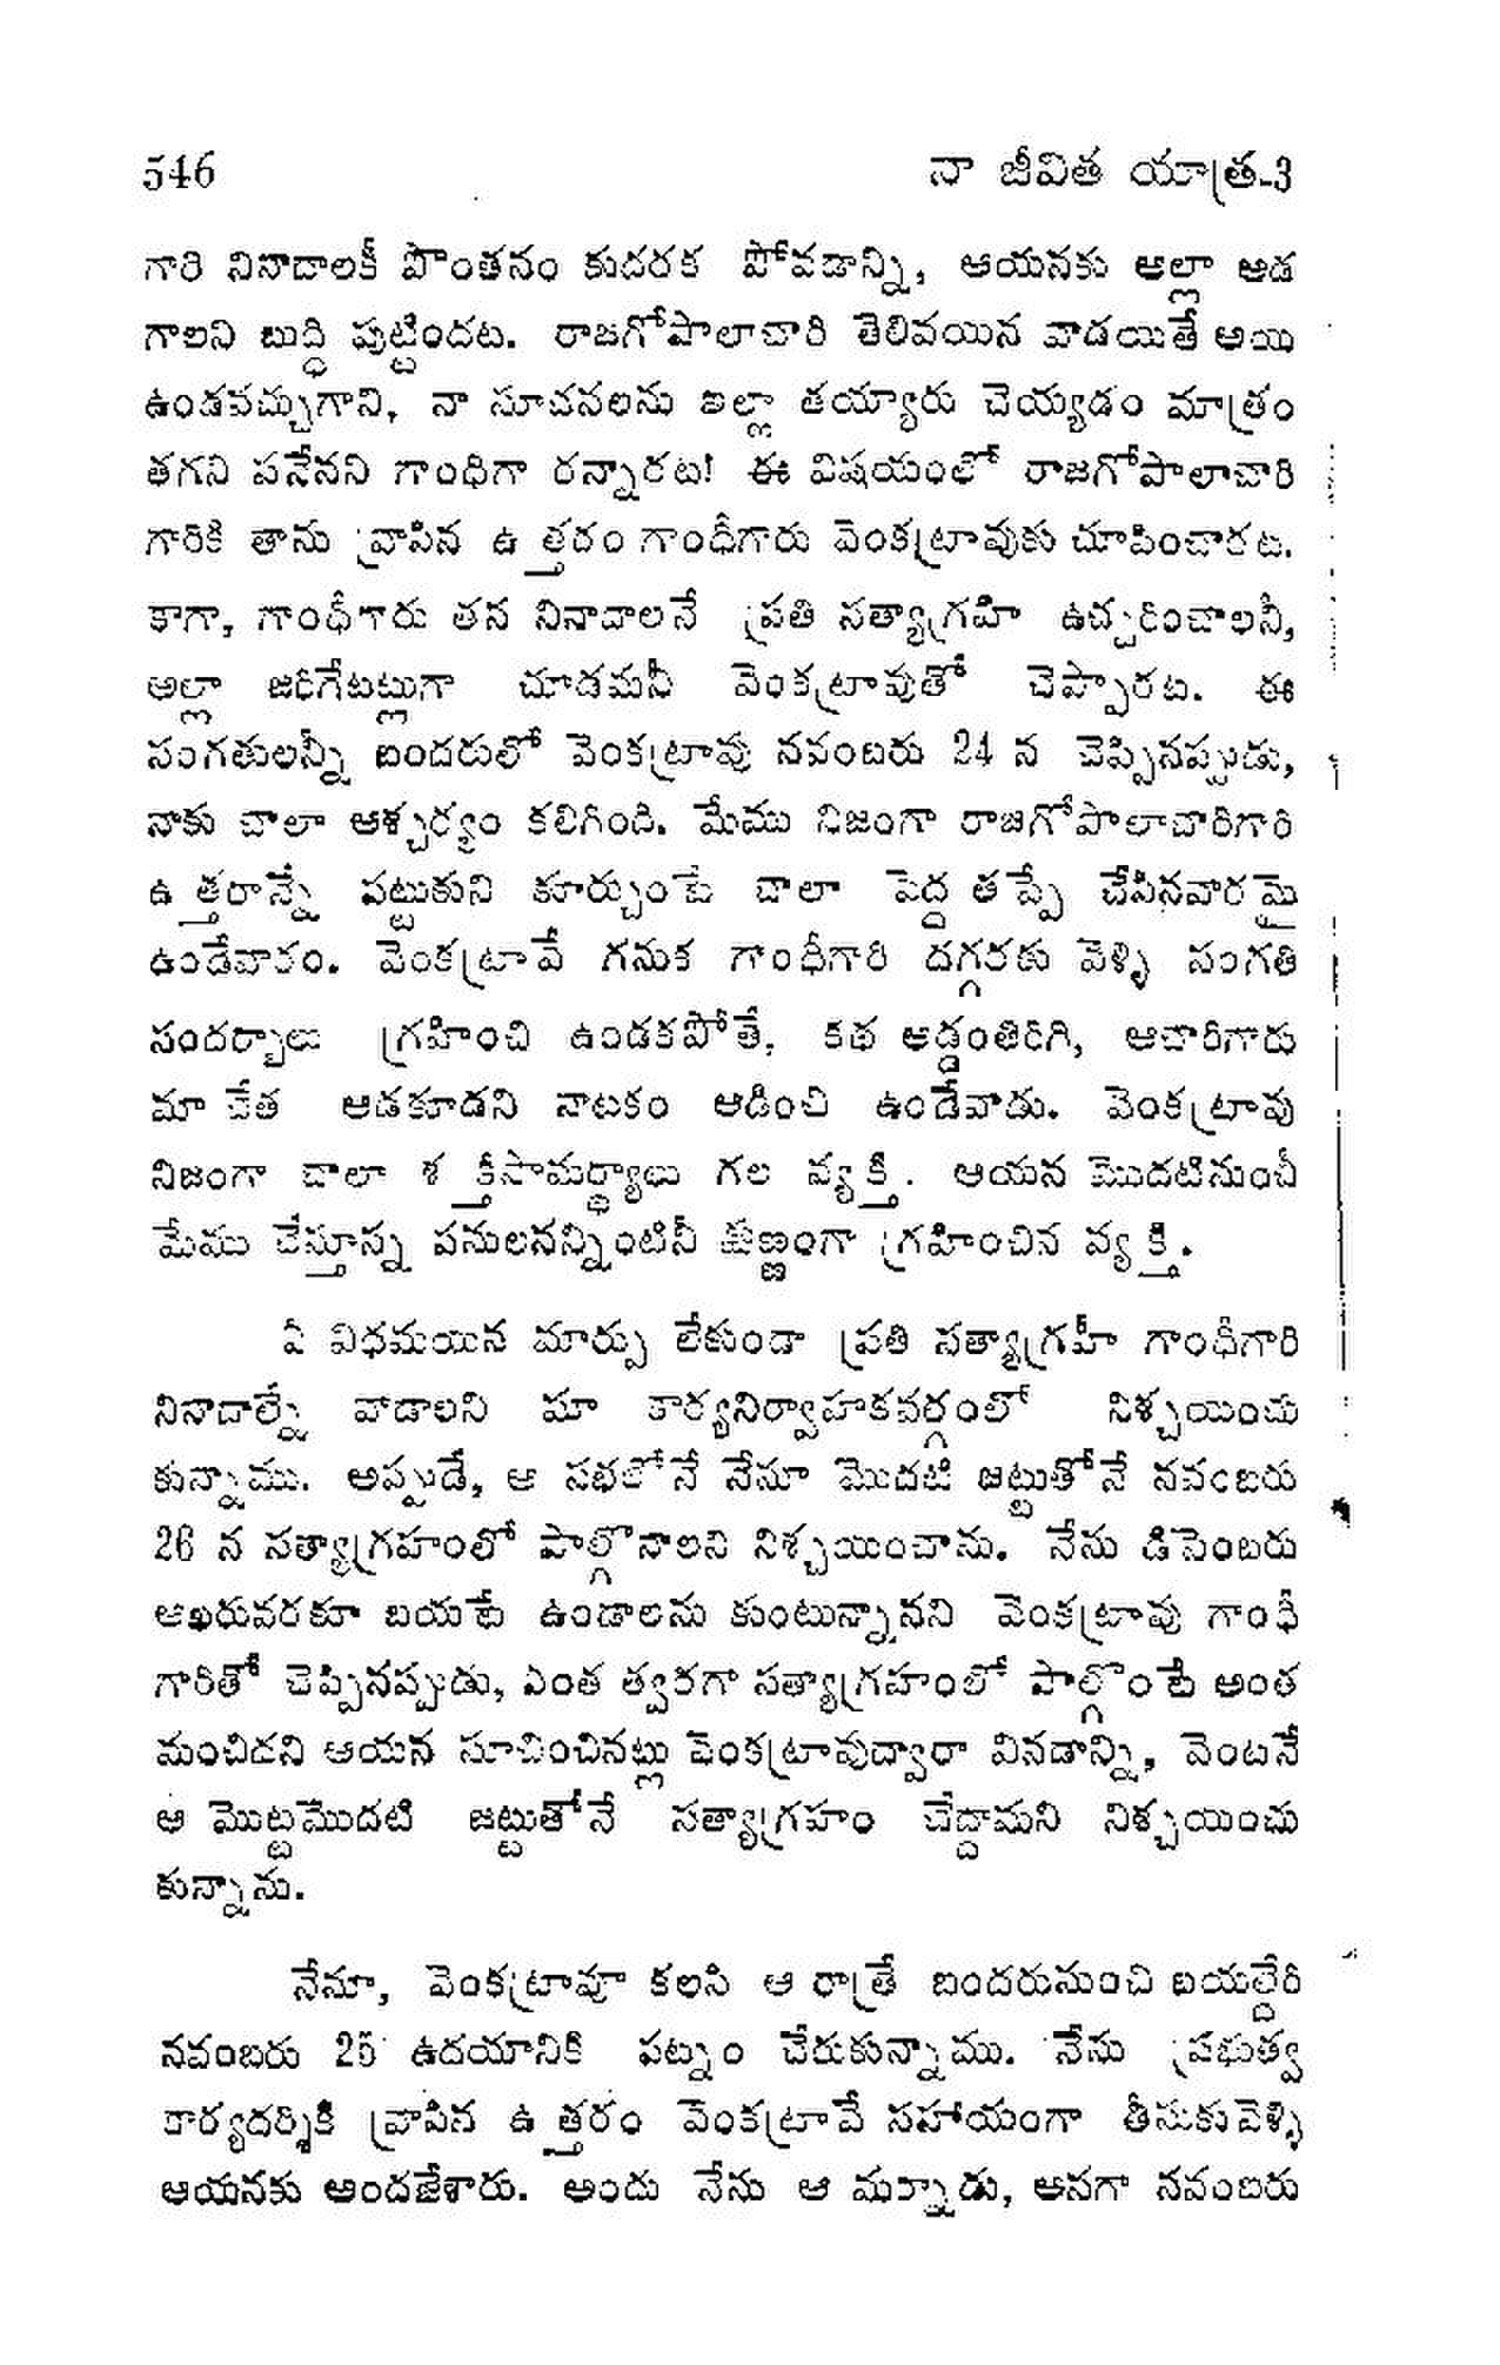గారి నినాదాలకీ పొంతనం కుదరక పోవడాన్ని, ఆయనకు అల్లా అడగాలని బుద్ధి పుట్టిందట. రాజగోపాలాచారి తెలివయిన వాడయితే అయి ఉండవచ్చుగాని, నా సూచనలను ఇల్లా తయ్యారు చెయ్యడం మాత్రం తగని పనేనని గాంధీగా రన్నారట! ఈ విషయంలో రాజగోపాలాచారి గారికి తాను వ్రాసిన ఉత్తరం గాంధీగారు వెంకట్రావుకు చూపించారట. కాగా, గాంధీగారు తన నినాదలనే ప్రతి సత్యాగ్రహి ఉచ్చరించాలనీ, అల్లా జరిగేటట్లుగా చూడమనీ వెంకట్రావుతో చెప్పారట. ఈ సంగతులన్నీ బందరులో వెంకట్రావు నవంబరు 24 న చెప్పినప్పుడు, నాకు చాలా ఆశ్చర్యం కలిగింది. మేము నిజంగా రాజగోపాలాచారి గారి ఉత్తరాన్నే పట్టుకుని కూర్చుంటే చాలా పెద్ద తప్పే చేసినవారమై ఉండేవారం. వెంకట్రావే గనుక గాంధీగారి దగ్గరకు వెళ్ళి సంగతి సందర్భాలు గ్రహించి ఉండకపోతే, కథ అడ్డంతిరిగి, ఆచారి గారు మా చేత ఆడకూడని నాటకం ఆడించి ఉండేవాడు. వెంకట్రావు నిజంగా చాలా శక్తిసామర్థ్యాలు గల వ్యక్తి. ఆయన మొదటి నుంచీ మేము చేస్తూన్న పనులనన్నింటినీ క్షుణ్ణంగా గ్రహించిన వ్యక్తి.

ఏ విధమయిన మార్పు లేకుండా ప్రతి సత్యాగ్రహీ గాంధీగారి నినాదాల్నే వాడాలని మా కార్యనిర్వాహకవర్గంలో నిశ్చయించు కున్నాము. అప్పుడే, ఆ సభలోనే నేనూ మొదటి జట్టుతోనే నవంబరు 26 న సత్యాగ్రహంలో పాల్గొనాలని నిశ్చయించాను. నేను డిసెంబరు ఆఖరువరకూ బయటే ఉండాలను కుంటున్నానని వెంకట్రావు గాంధీగారితో చెప్పినప్పుడు, ఎంత త్వరగా సత్యాగ్రహంలో పాల్గొంటే అంత మంచిదని ఆయన సూచించినట్లు వెంకట్రావు ద్వారా వినడాన్ని, వెంటనే ఆ మొట్టమొదటి జట్టుతోనే సత్యాగ్రహం చేద్దామని నిశ్చయించుకున్నాను.

నేనూ, వెంకట్రావూ కలసి ఆ రాత్రే బందరునుంచి బయల్దేరి నవంబరు 25 ఉదయానికి పట్నం చేరుకున్నాము. నేను ప్రభుత్వ కార్యదర్శికి వ్రాసిన ఉత్తరం వెంకట్రావే సహాయంగా తీసుకు వెళ్ళి ఆయనకు అందజేశారు. అందు నేను ఆ మర్నాడు, అనగా నవంబరు